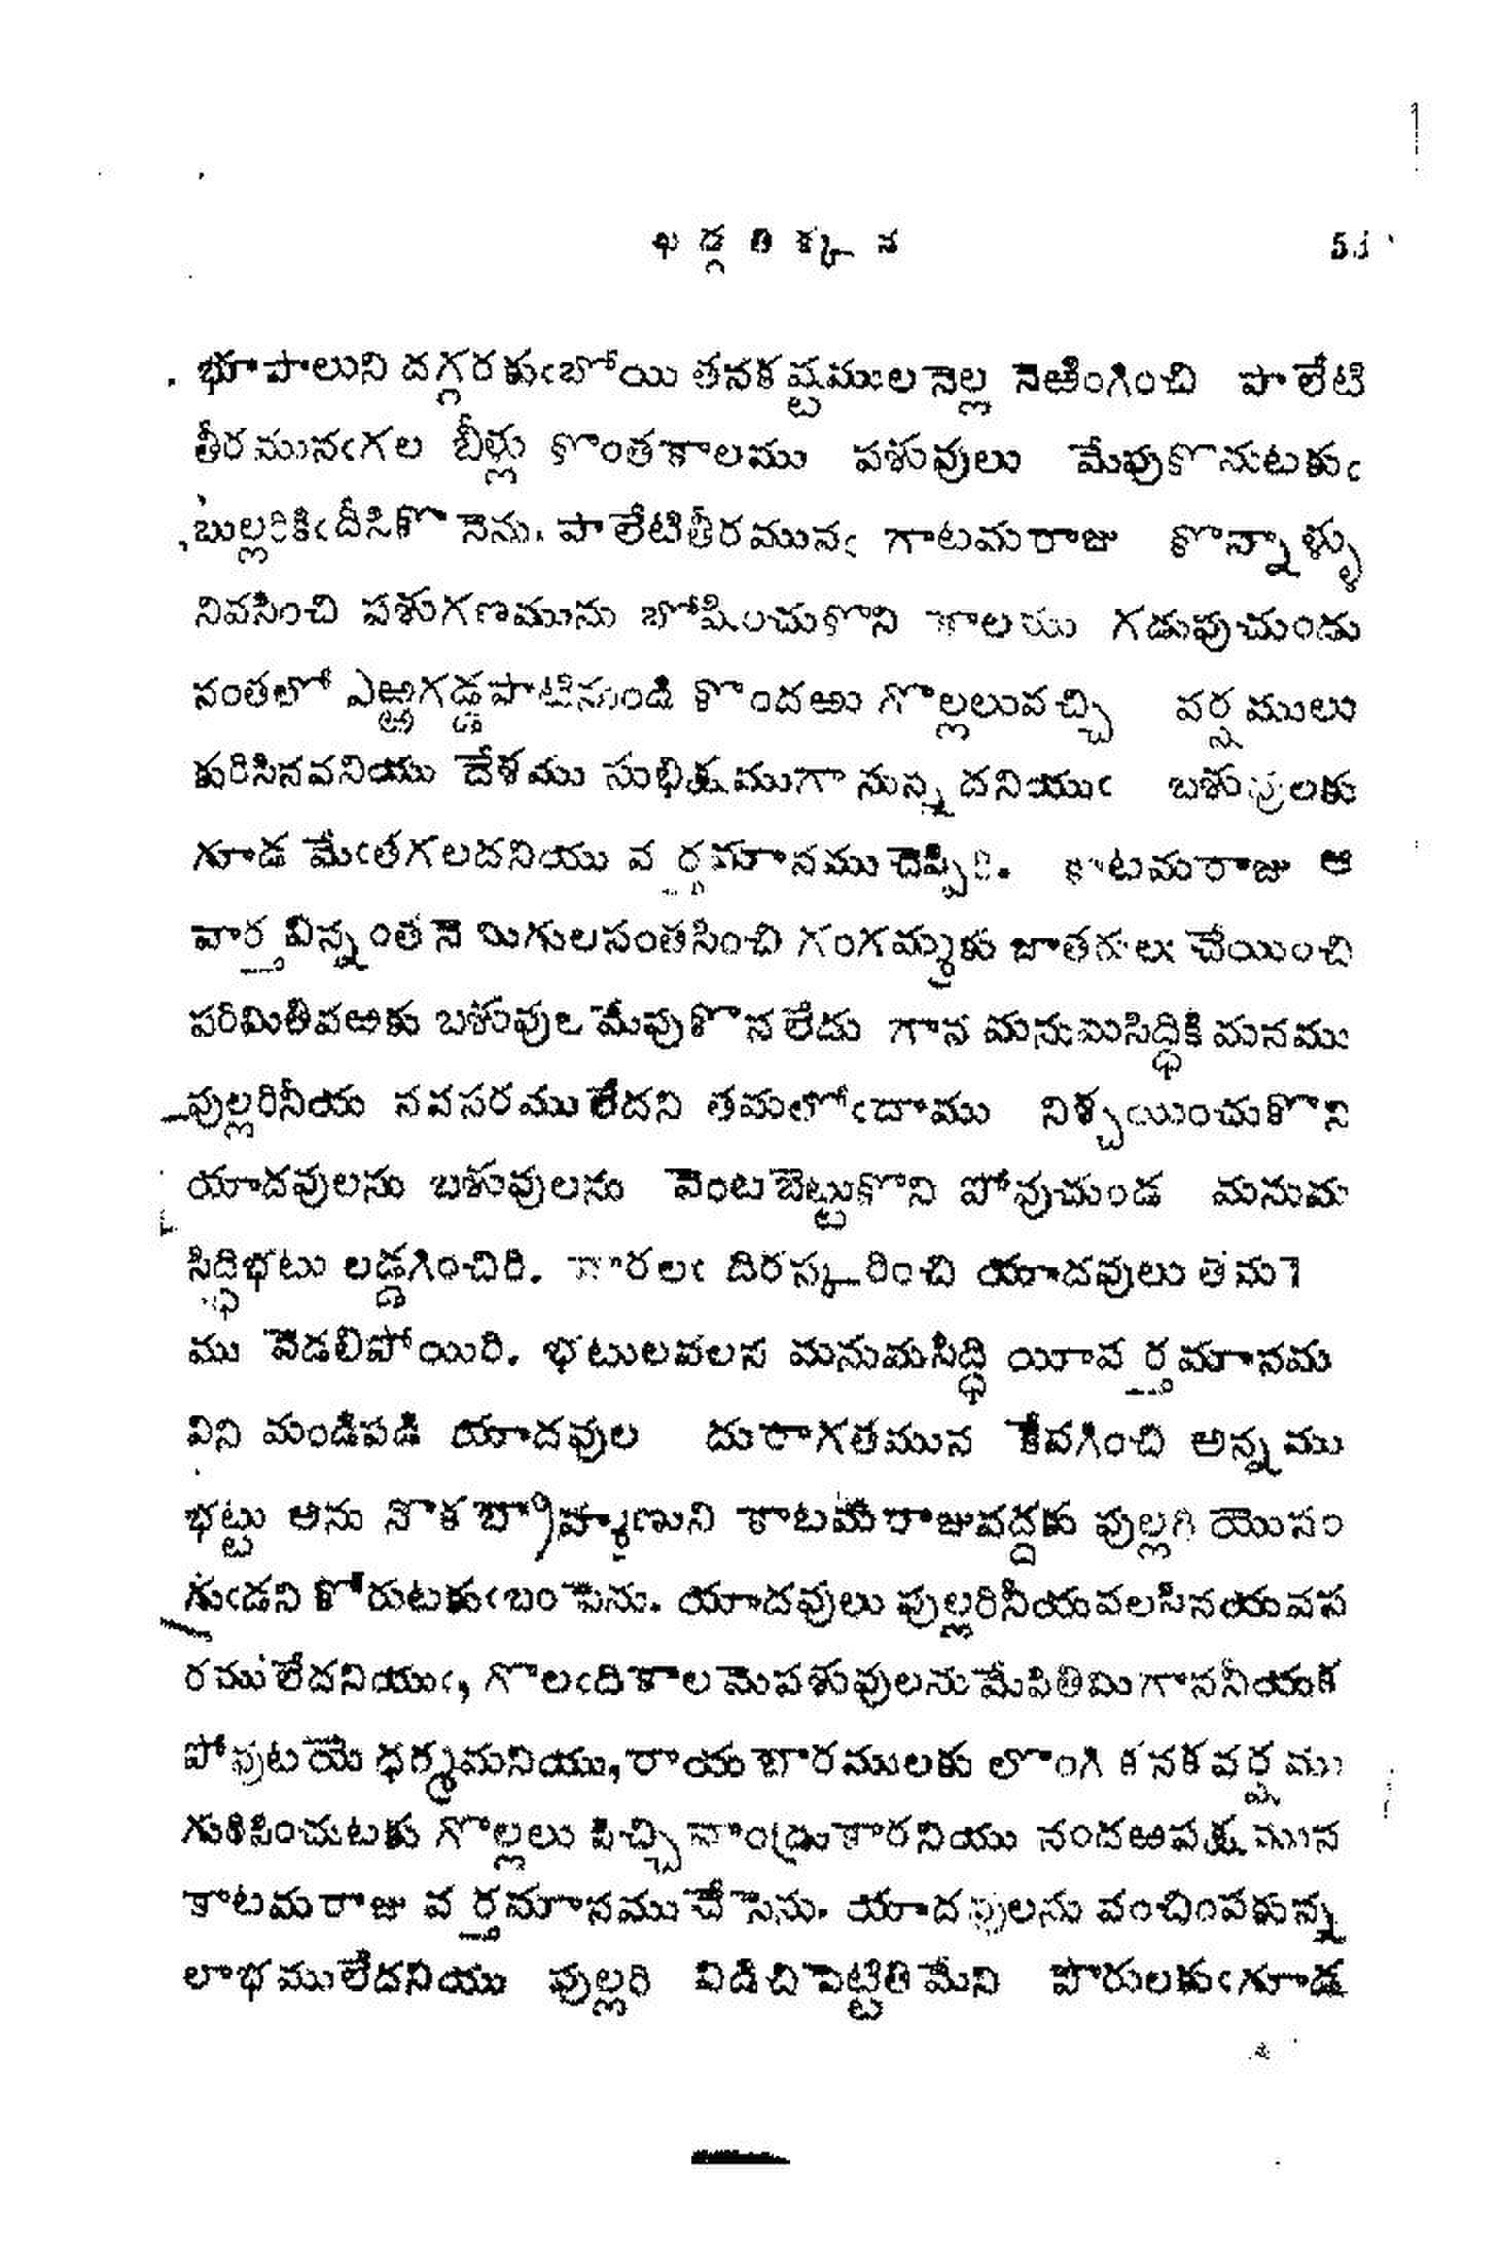భూపాలుని దగ్గరకుబోయి తనకష్టములనెల్ల నెఱింగించి పాలేటి తీరమునగల బీళ్లు కొంతకాలము పశువులు మేపుకొనుటకు బుల్లరికి దీసికొనెను. పాలేటితీరమున గాటమరాజు కొన్నాళ్ళు నివసించి పశుగణమును బోషించుకొని కాలము గడుపుచుండు నంతలో ఎఱ్ఱగడ్డపాటినుండి కొందఱు గొల్లలువచ్చి వర్షములు కురిసినవనియు దేశము సుభిక్షముగా నున్నదనియు బశువులకు గూడ మేతగలదనియు వర్తమానము చెప్పిరి. కాటమరాజు ఆవార్త విన్నంతనె మిగులసంతసించి గంగమ్మకు జాతరులుచేయించి పరిమితివఱకు బశువుల మేపుకొనలేదు గాన మనుమసిద్ధికి మనము పుల్లరినీయ నవసరములేదని తమలోదాము నిశ్చయించుకొని యాదవులను బశువులను వెంటబెట్టుకొని పోవుచుండ మనుమసిద్ధిభటు లడ్డగించిరి. వారల దిరస్కరించి యాదవులు తమగ్రామము వెడలిపోయిరి. భటులవలన మనుమసిద్ధి యీవర్తమానము విని మండిపడి యాదవుల దురాగతమున కేవగించి అన్నము భట్టు అను నొక బ్రాహ్మణుని కాటమరాజువద్దకు పుల్లగి యొసంగుడని కోరుటకు బంపెను. యాదవులు పుల్లరి నీయవలసిన యవసరములేదనియు, గొలదికాలమె పశువులను మేపితిమిగాన నీయక పోవుటయె ధర్మమనియు, రాయబారములకు లొంగి కనకవర్షము గురిపించుటకు గొల్లలు పిచ్చి వాండ్రుకారనియు నందఱపక్షమున కాటమరాజు వర్తమానము చేసెను. యాదవులను వంచింపకున్న లాభములేదనియు పుల్లరి విడిచిపెట్టితిమేని పౌరులకు గూడ